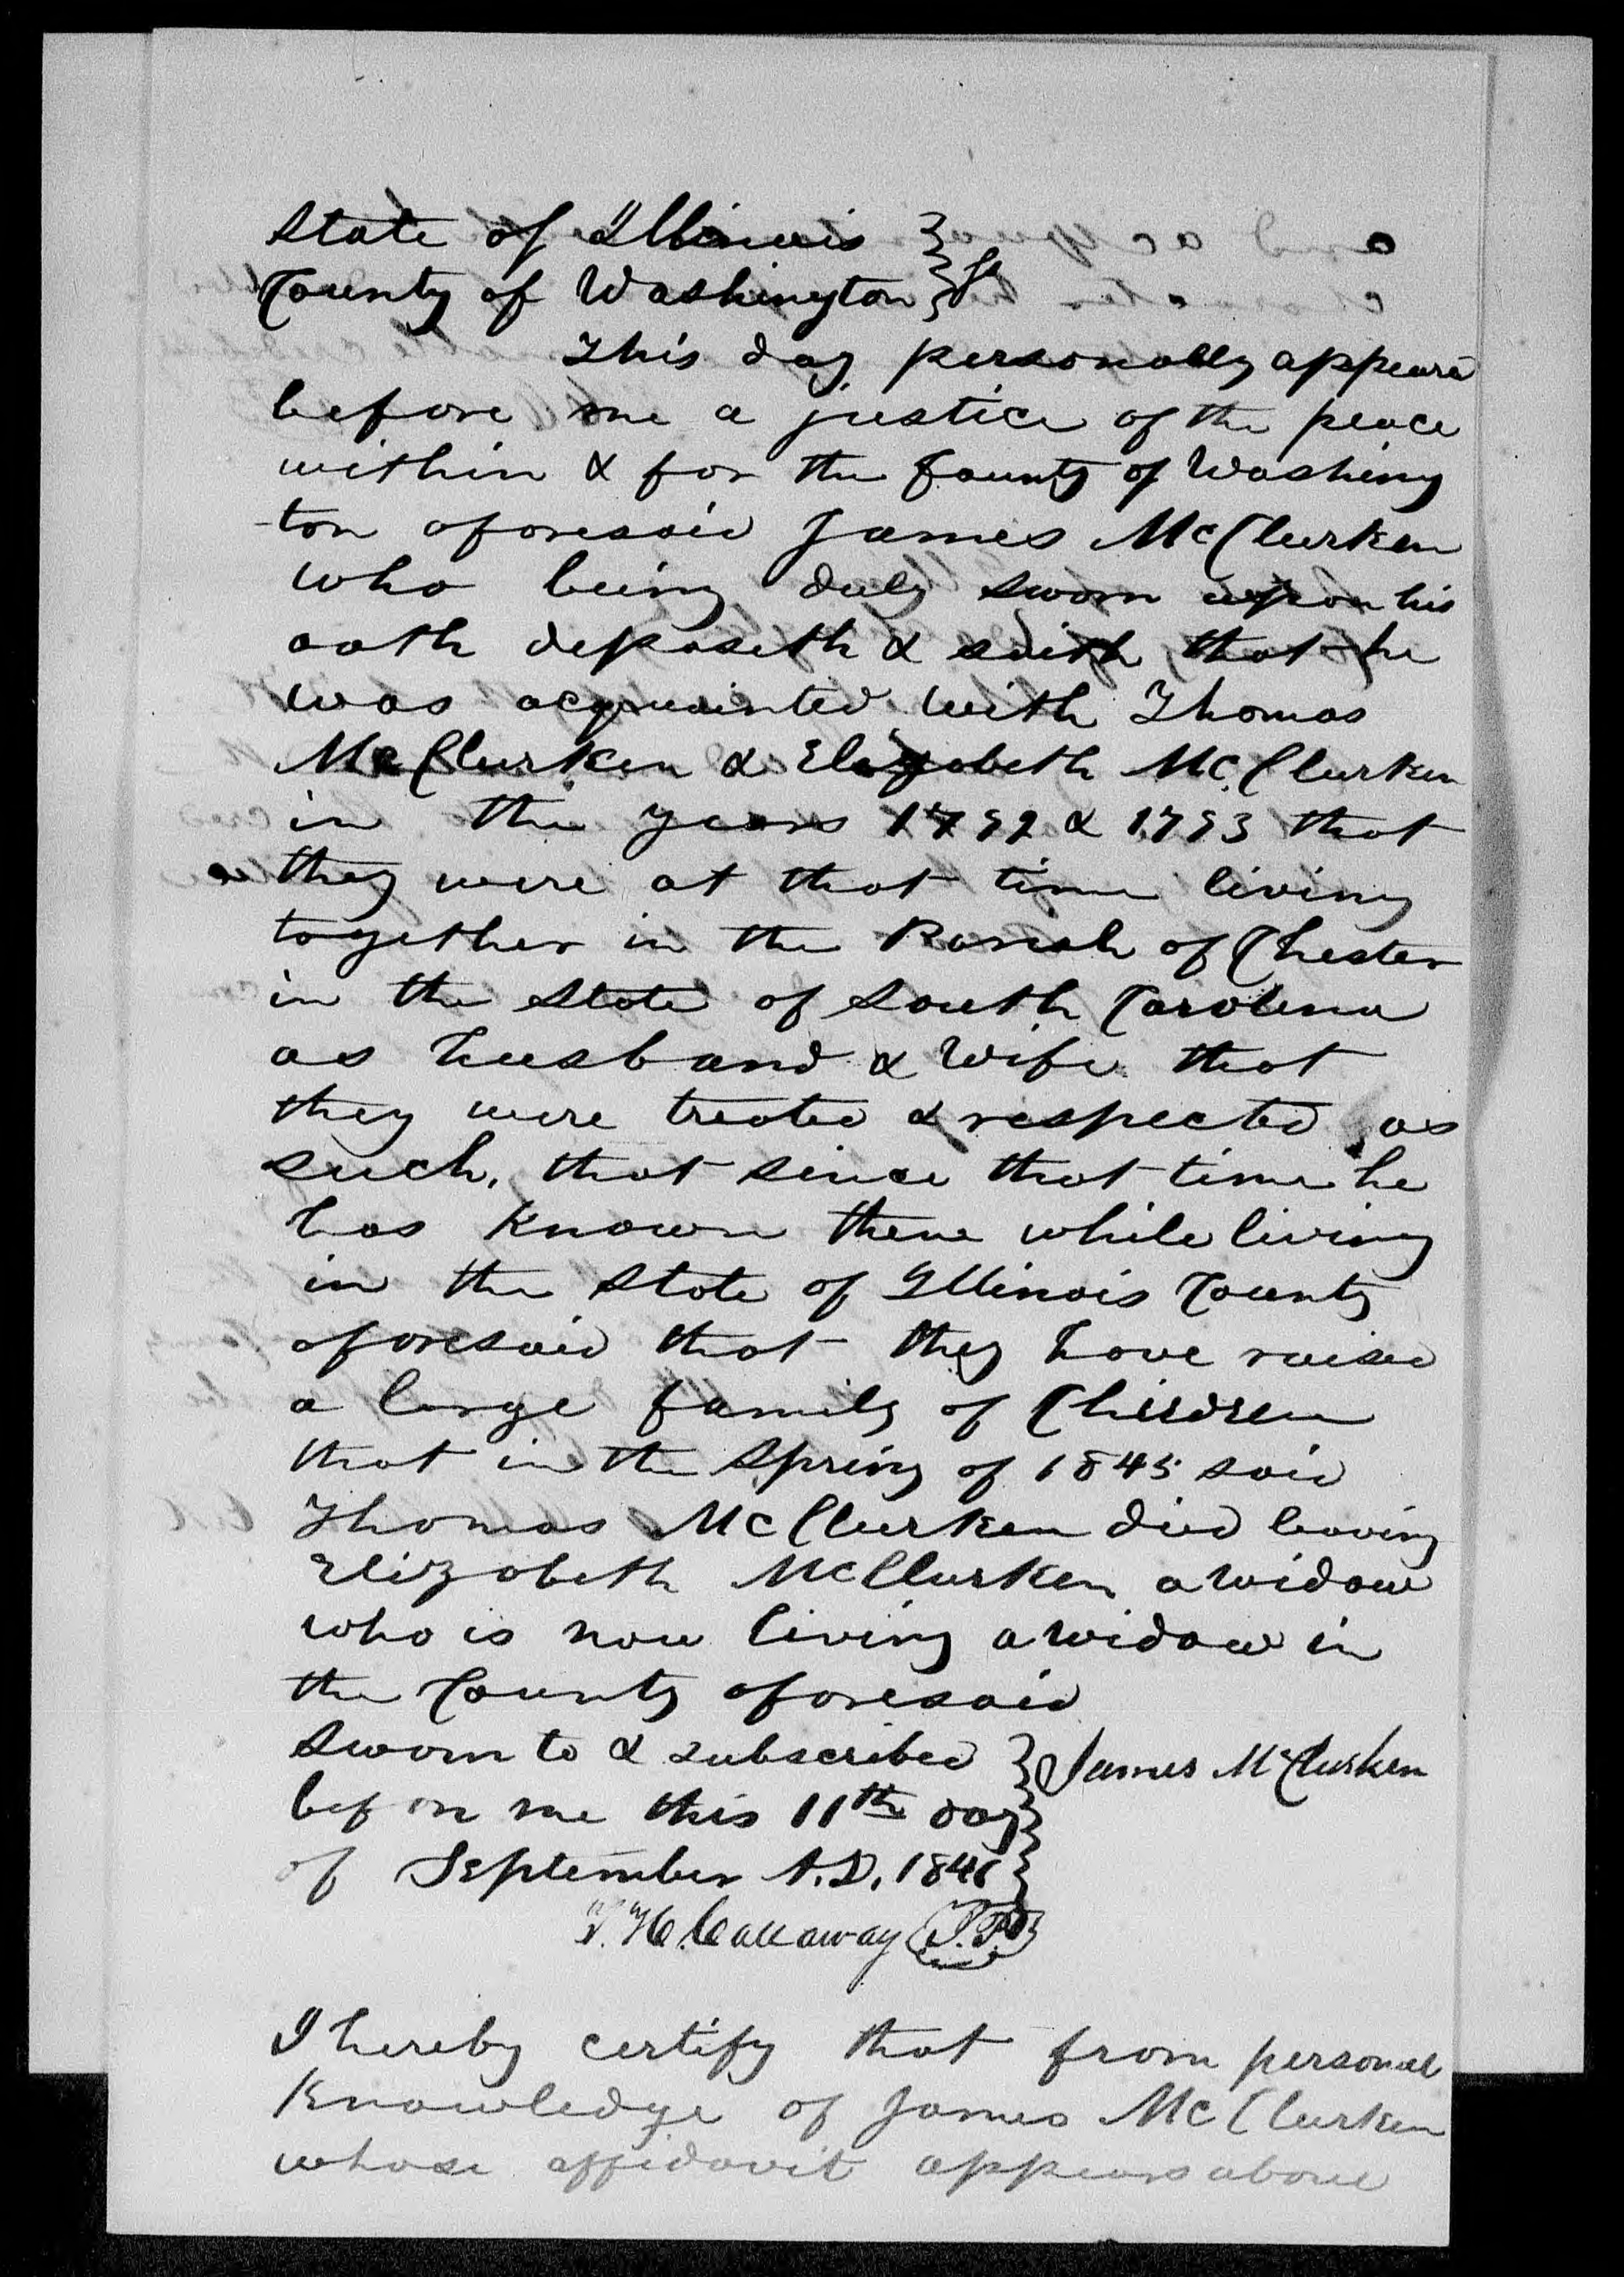State of Illinois} ss 
County of Washington}
 
This day personally appeared before me a justice of the peace within & for the County of Washington aforesaid James McClurken who being  duly sworn upon his oath deposeth & saith that he was acquainted with Thomas McClurken & Elizabeth McClurken the years 1772 & 1773 that they were at that time living together in the Parish of Chester in the State of South Carolina as husband & wife that they were treated & respected as such, that since that time he has known there while living the State of Illinois County aforesaid that they have raised a large family of Children that in the Spring of 1845 said Thomas McClerken died leaving Elizabeth McClurken a widow who is now living a widow in the County aforesaid 

James McClurken

Sworn to & subscribed⎬ 
before me this 11th day}
 of September A.D. 1841}
 T.H. Callaway 

I hereby certify that from personal knowledge of James McClurken whose affidavit appears above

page: 46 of 93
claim: widow's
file: W. 21792, for Thomas Mc Clurken, South Carolina